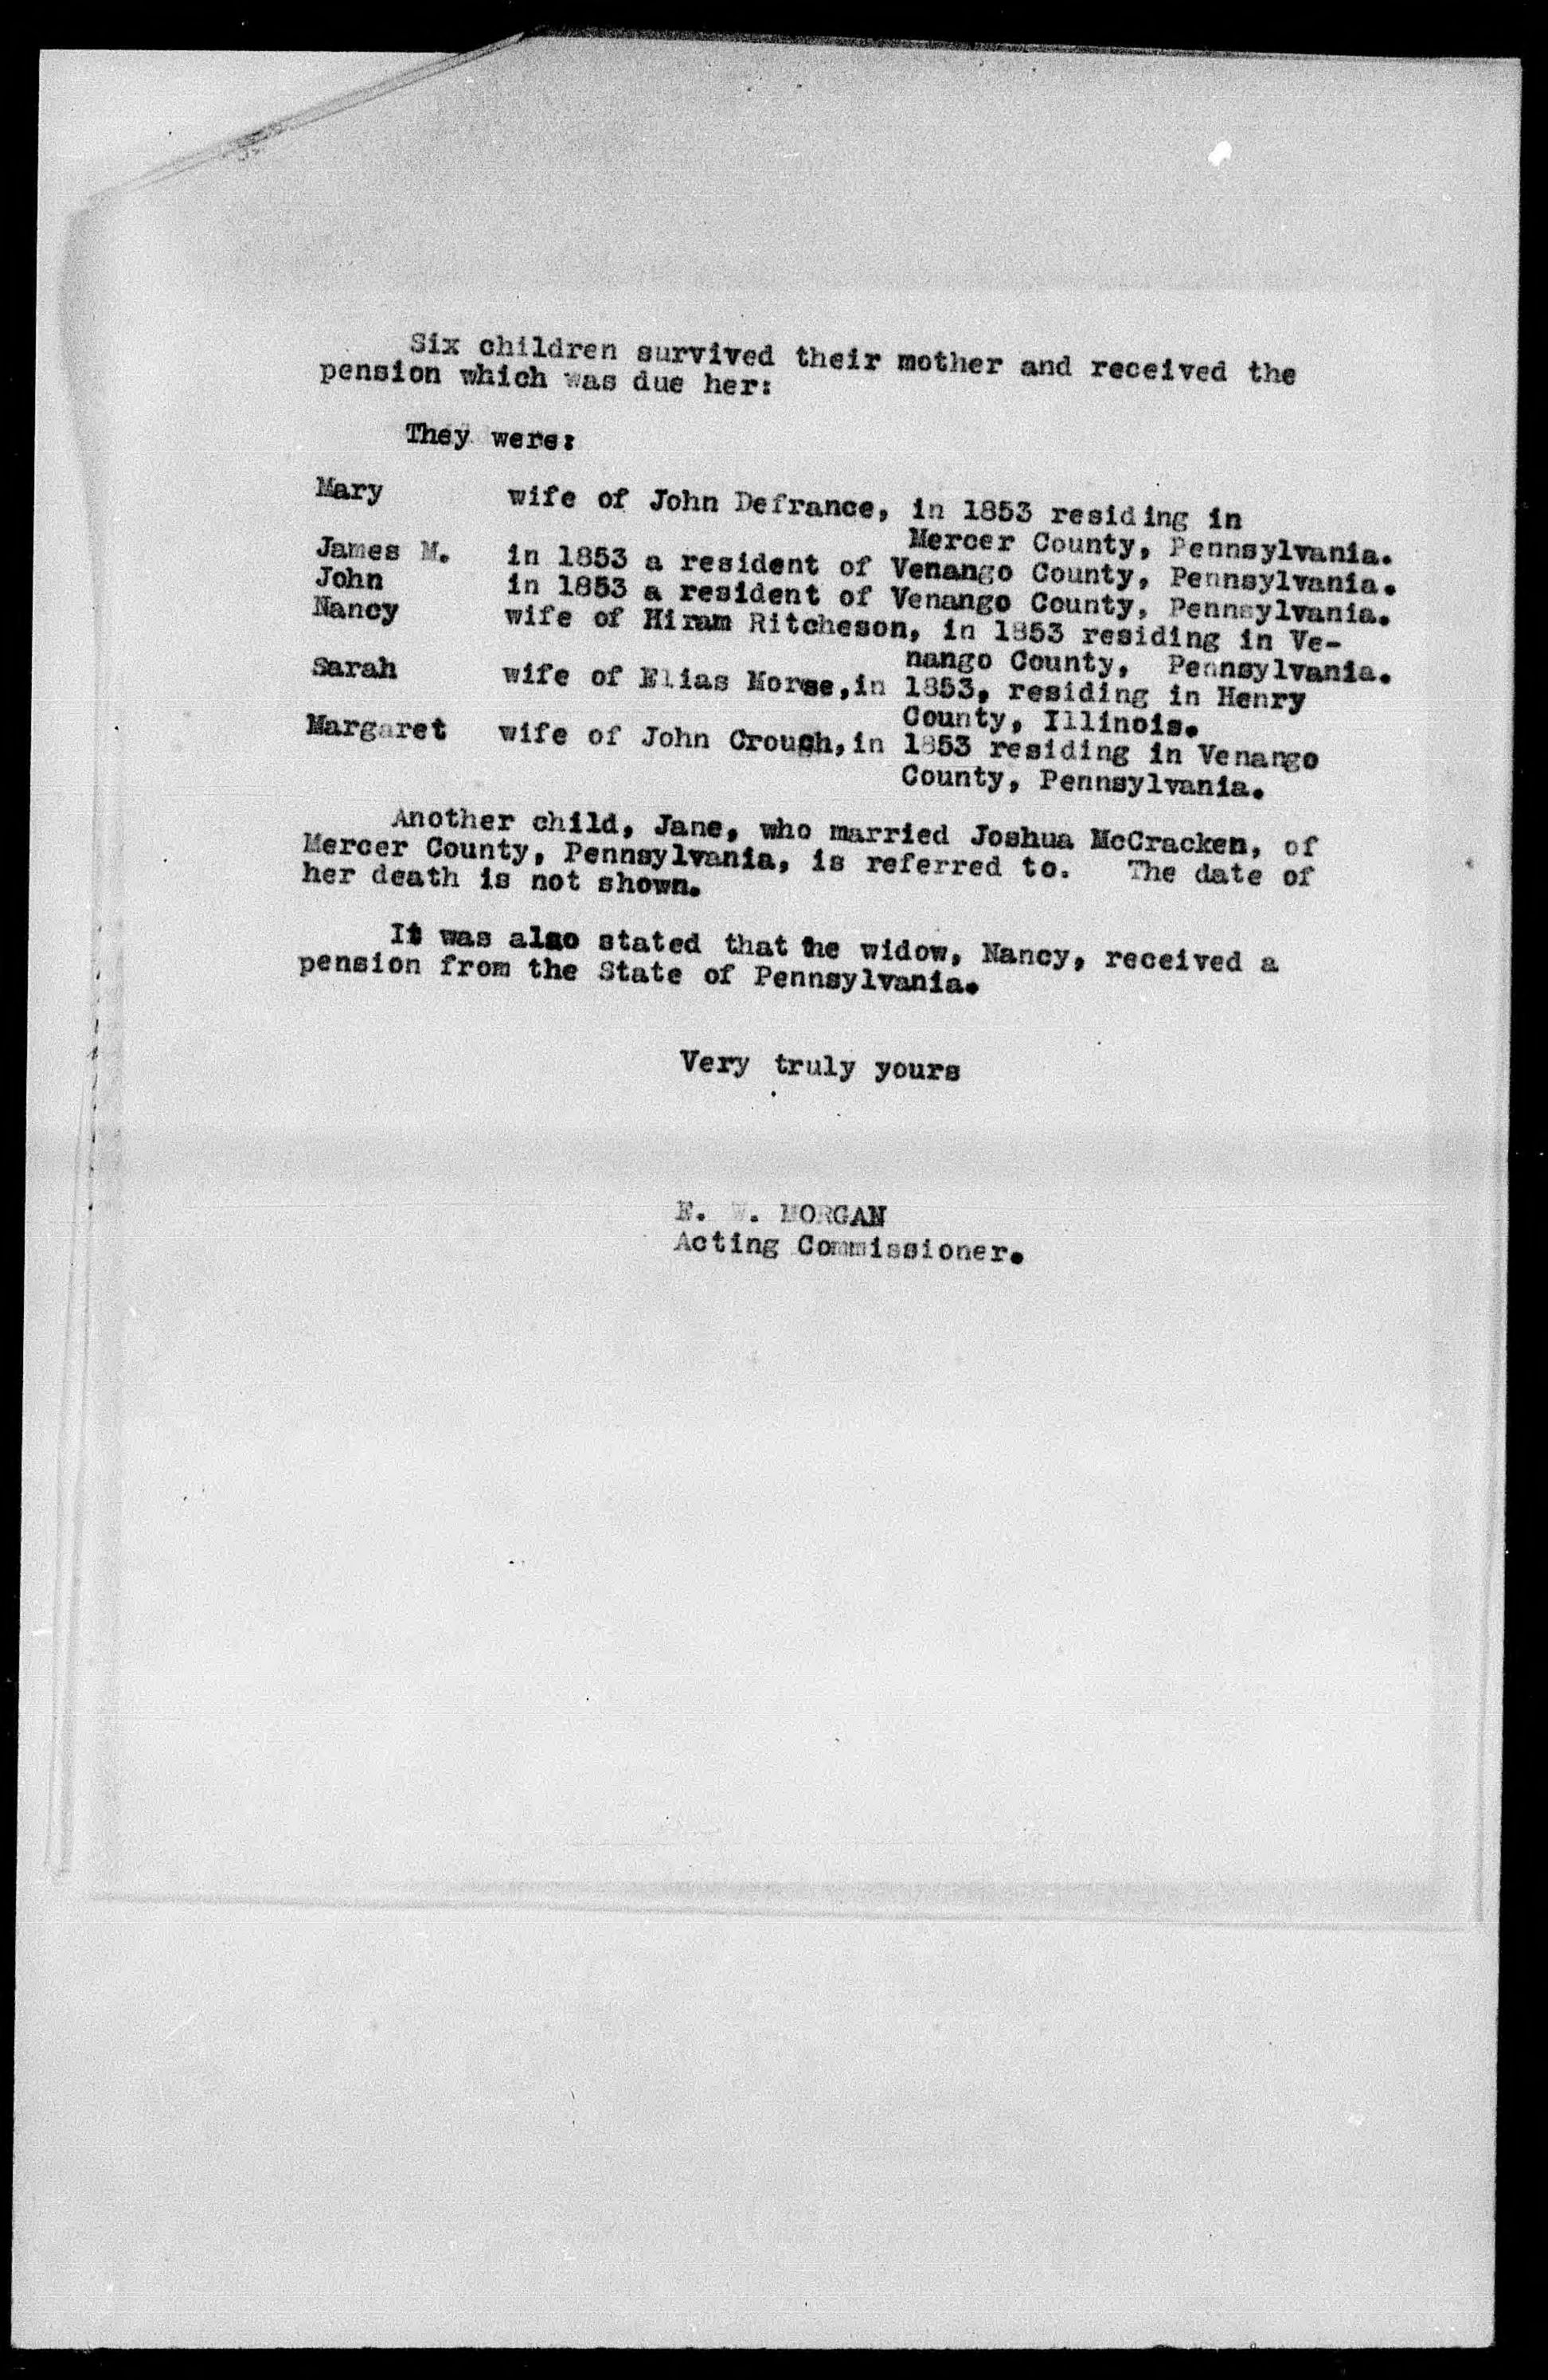[pg 2 of 2]

Six children survived their mother and received the pension which was due here:

They were:

Mary      wife of John Defrance, in 1853 residing in Mercer County, Pennsylvania.
James M.     in 1853 a resident of Venango County, Pennsylvania.
John     in 1853 a resident of Venango County, Pennsylvania.
Nancy     wife of Hiram Ritcheson, in 1853 residing in Venango County, Pennsylvania.
Sarah     wife of Elias Morse, in 1853, residing in Henry County, Illinois.
Margaret     wife of John Crouch, in 1853 residing in Venango County, Pennsylvania.

Another child, Jane, who married Joshua McCracken, of Mercer County, Pennsylvania, is referred to. The date of her death is not shown.

It was also stated that the widow, Nancy, received a pension from the State of Pennsylvania.

Very truly yours

E. W. MORGAN
Acting Commissioner.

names: Nancy, John Crouch, Elias Morse, Nancy, E W Morgan, Mary, James M, Margaret, Joshua Mc Cracken, Hiram Ritcheson, John Defrance, Sarah, John, Jane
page: 63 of 63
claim: widow's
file: W. 3228, John Daly, Penn.